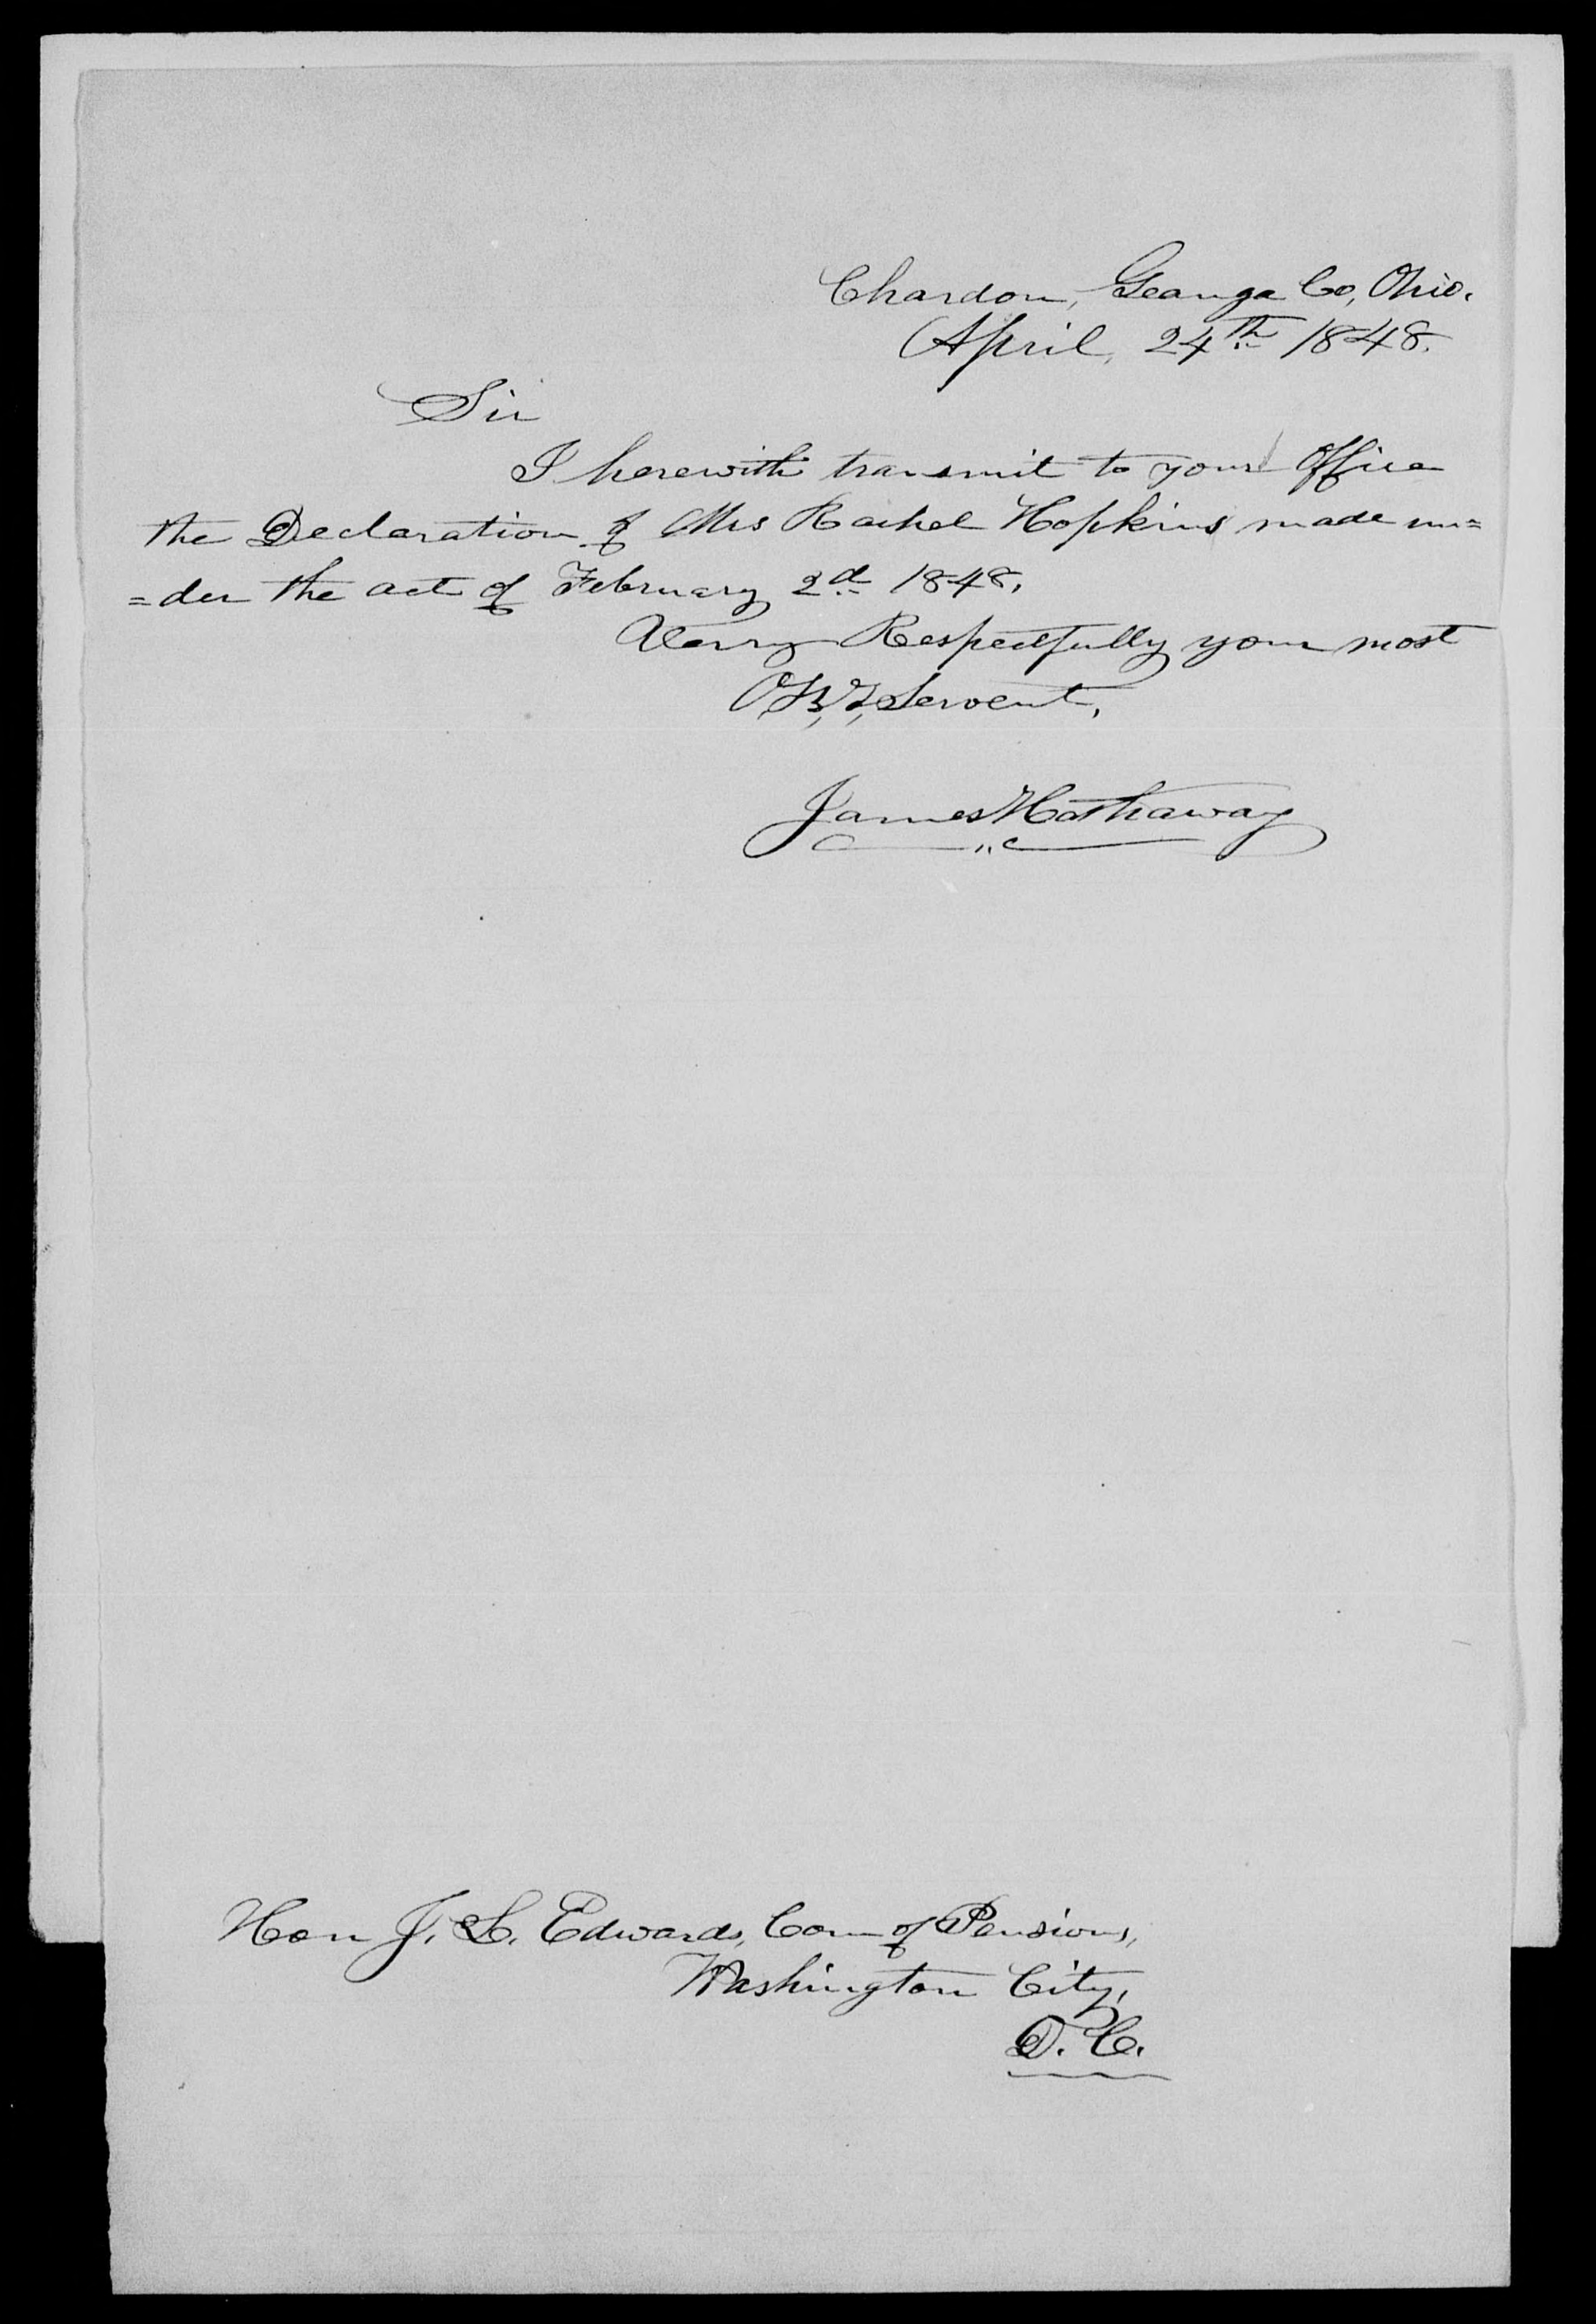Chardon, Geauga Co, Ohio.
April 24th 1848,

Sir
I herewith transmit to your office the declaration of Mrs Rachel Hopkins made under the act of February 2d 1848,
Very Respectfully your most
O.B. Servent,
the Deed
James Hathaway


Hon J. L. Edwards, Com of Pensions,
Washington City,
D.C.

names: Rachel Hopkins, J L Edwards, James Hathaway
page: 100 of 144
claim: rejected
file: R. 5208, Dennis Hopkins, N.C.